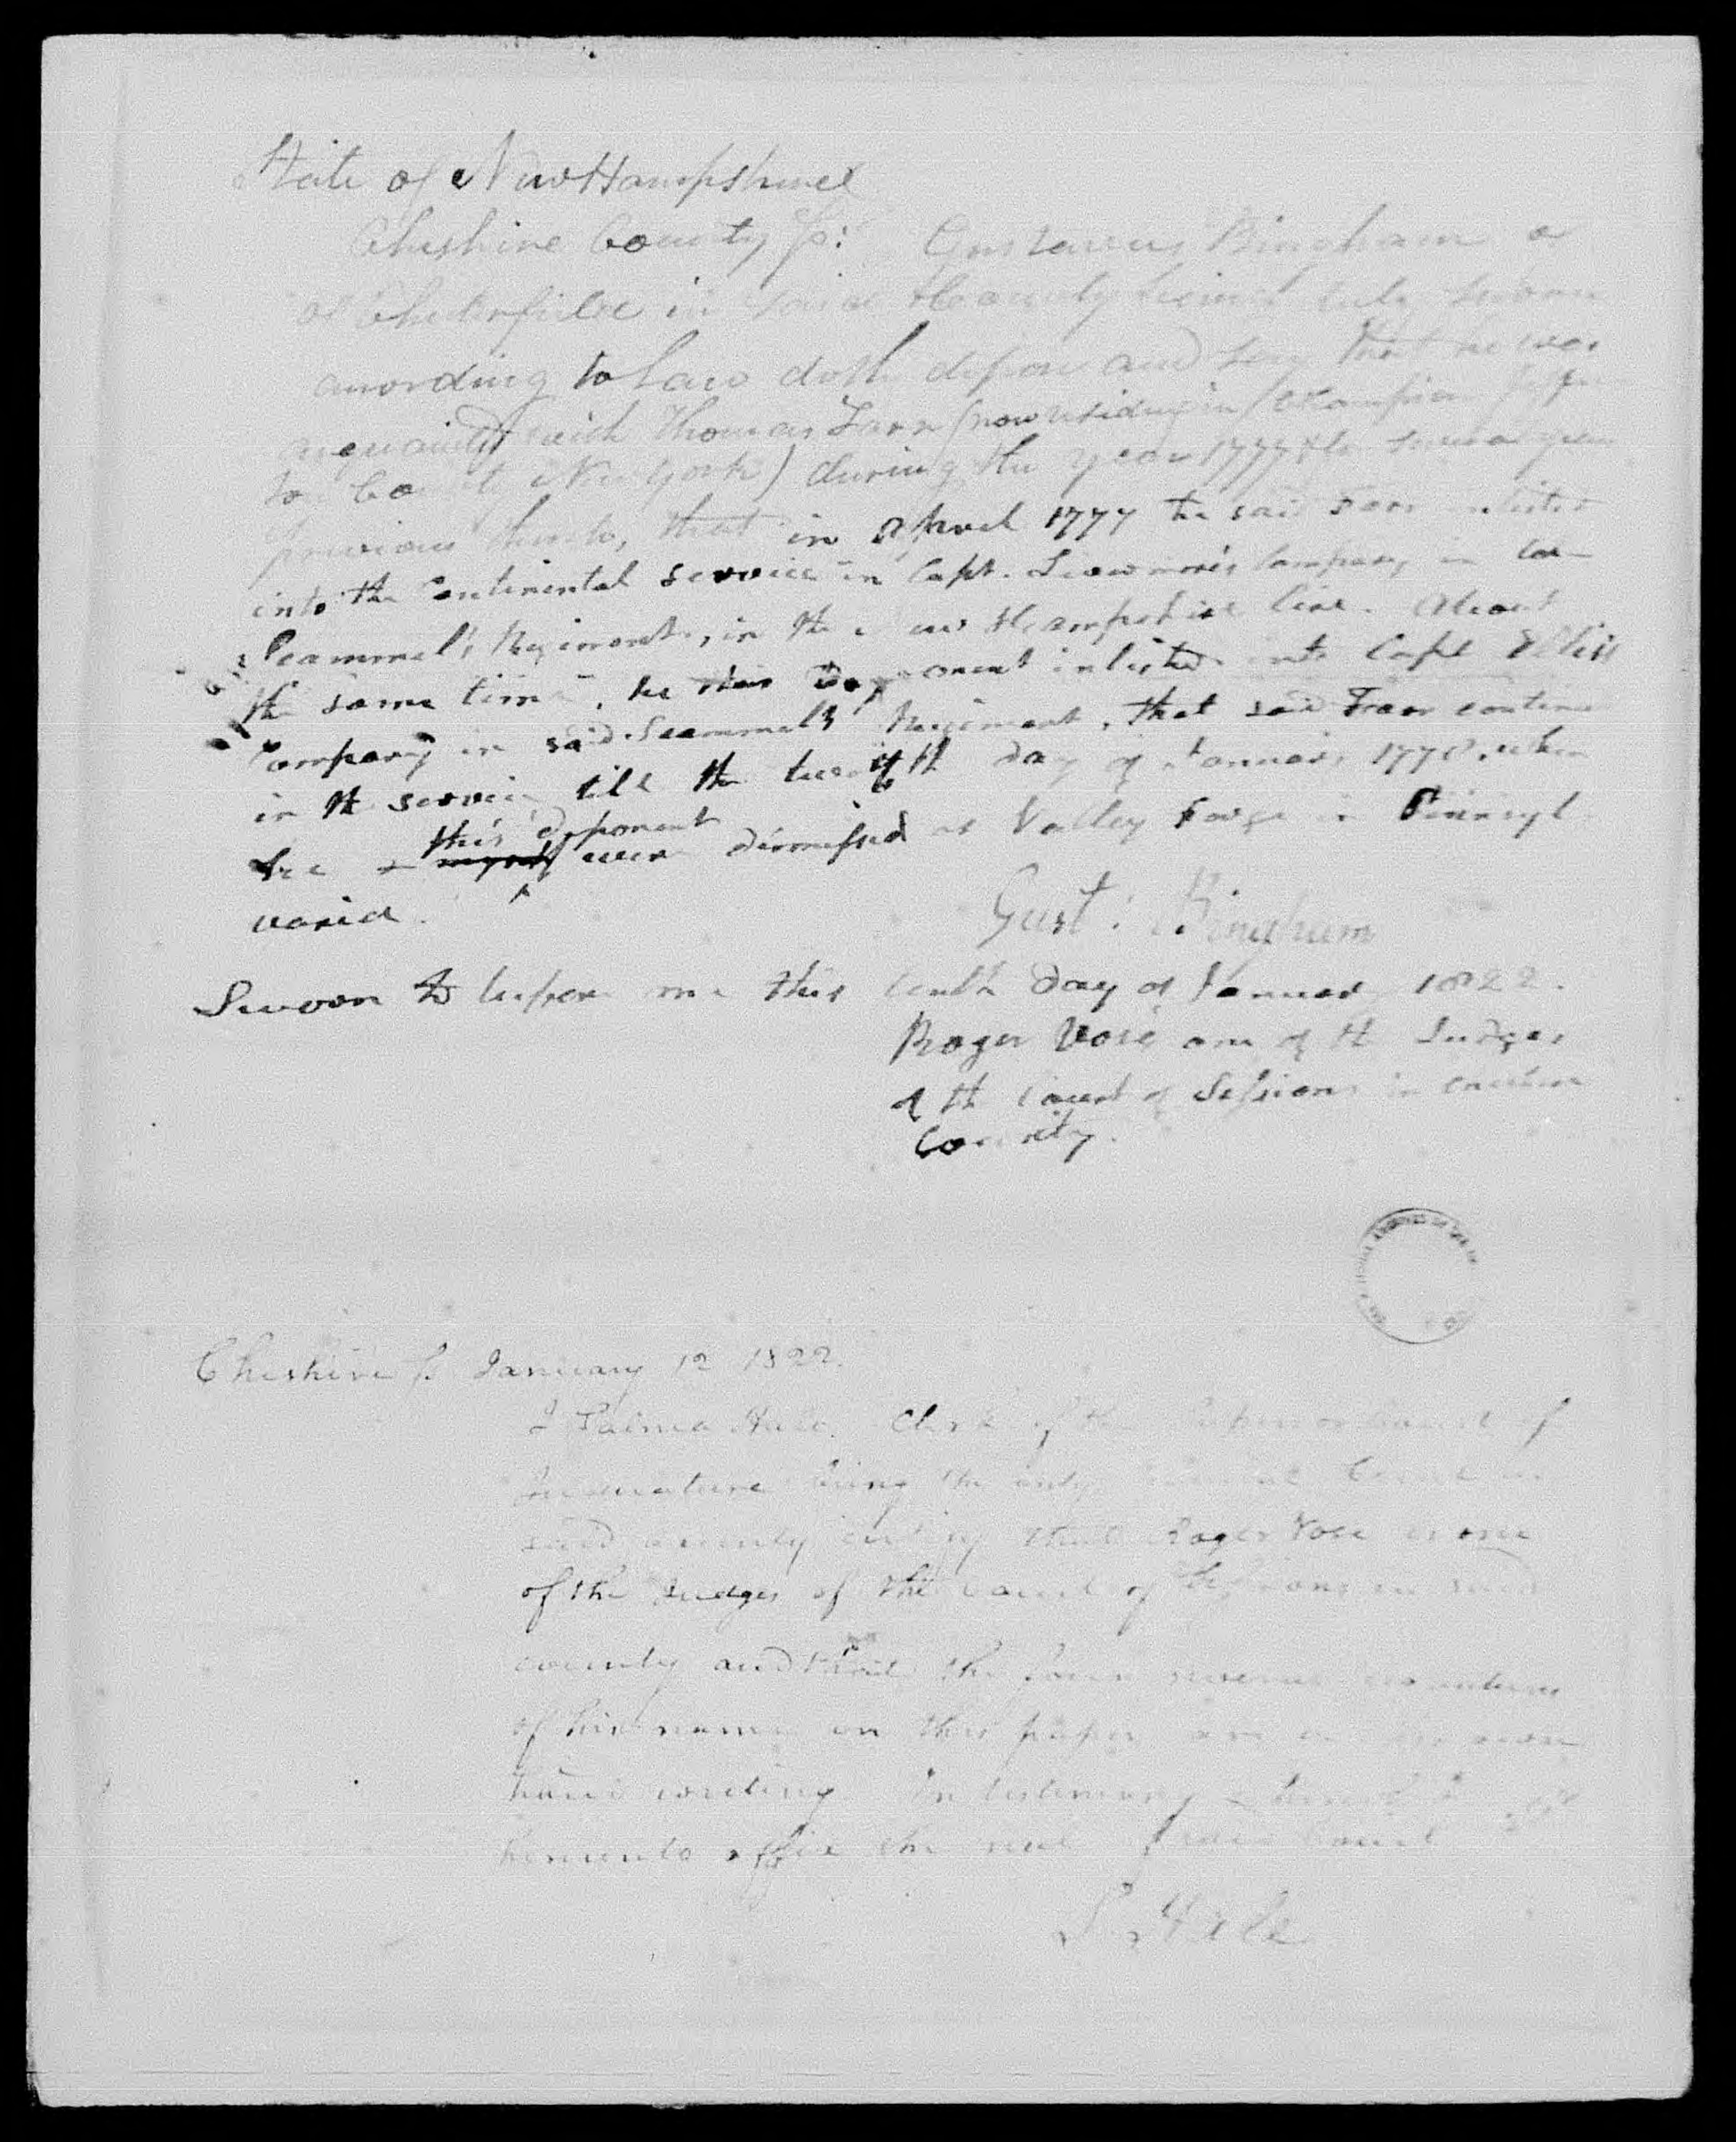State of New Hampshire
Cheshire County Ss:  Gustavus Bingham as
of the office in said County being [illegible]
according to law doth depose and say that he was
acquainted with Thomas Farr (now residing in Champion Jefferson
County New York) during the year 1777 
previous thereto, that in April 1777 to said Farr enlisted
into the continental service in Capt. Livermore's Company in Col.
Scammel's Regiment, in the in Hampshire line about
the same time as this deponent enlisted into Capt Ellis's
Company in said Scammel's Regiment, that said Farr continued
in the service till the twelfth day of January 1776 when
He & [myself - crossed out] this deponent were dismissed at Valley Forge in [illegible]     Gust. Bingham
Sworn to before me this tenth day of January 1822.
Roger Vose one of the Judges
in the Court of Sessions in Cheshire
County.

[Stamp]
THE NATIONAL ARCHIVES [illegible]

Cheshire Ss. January 12 1822
I Salma Hale clerk of the Chesterfield Ss. 
judicature being the [illegible]
said County certify that Roger Vose is one
of the Judges of the Court of the [illegible] said
County and that the found name [illegible]
of his name on this paper [illegible]
hand writing in testimony [illegible]
hereunto office the [illegible]
S. Hale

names: Salmon Farr, Gust Bingham, Thomas Farr, S Hale, Farr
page: 22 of 46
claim: widow's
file: W. 23022, Thomas Farr, N.H.